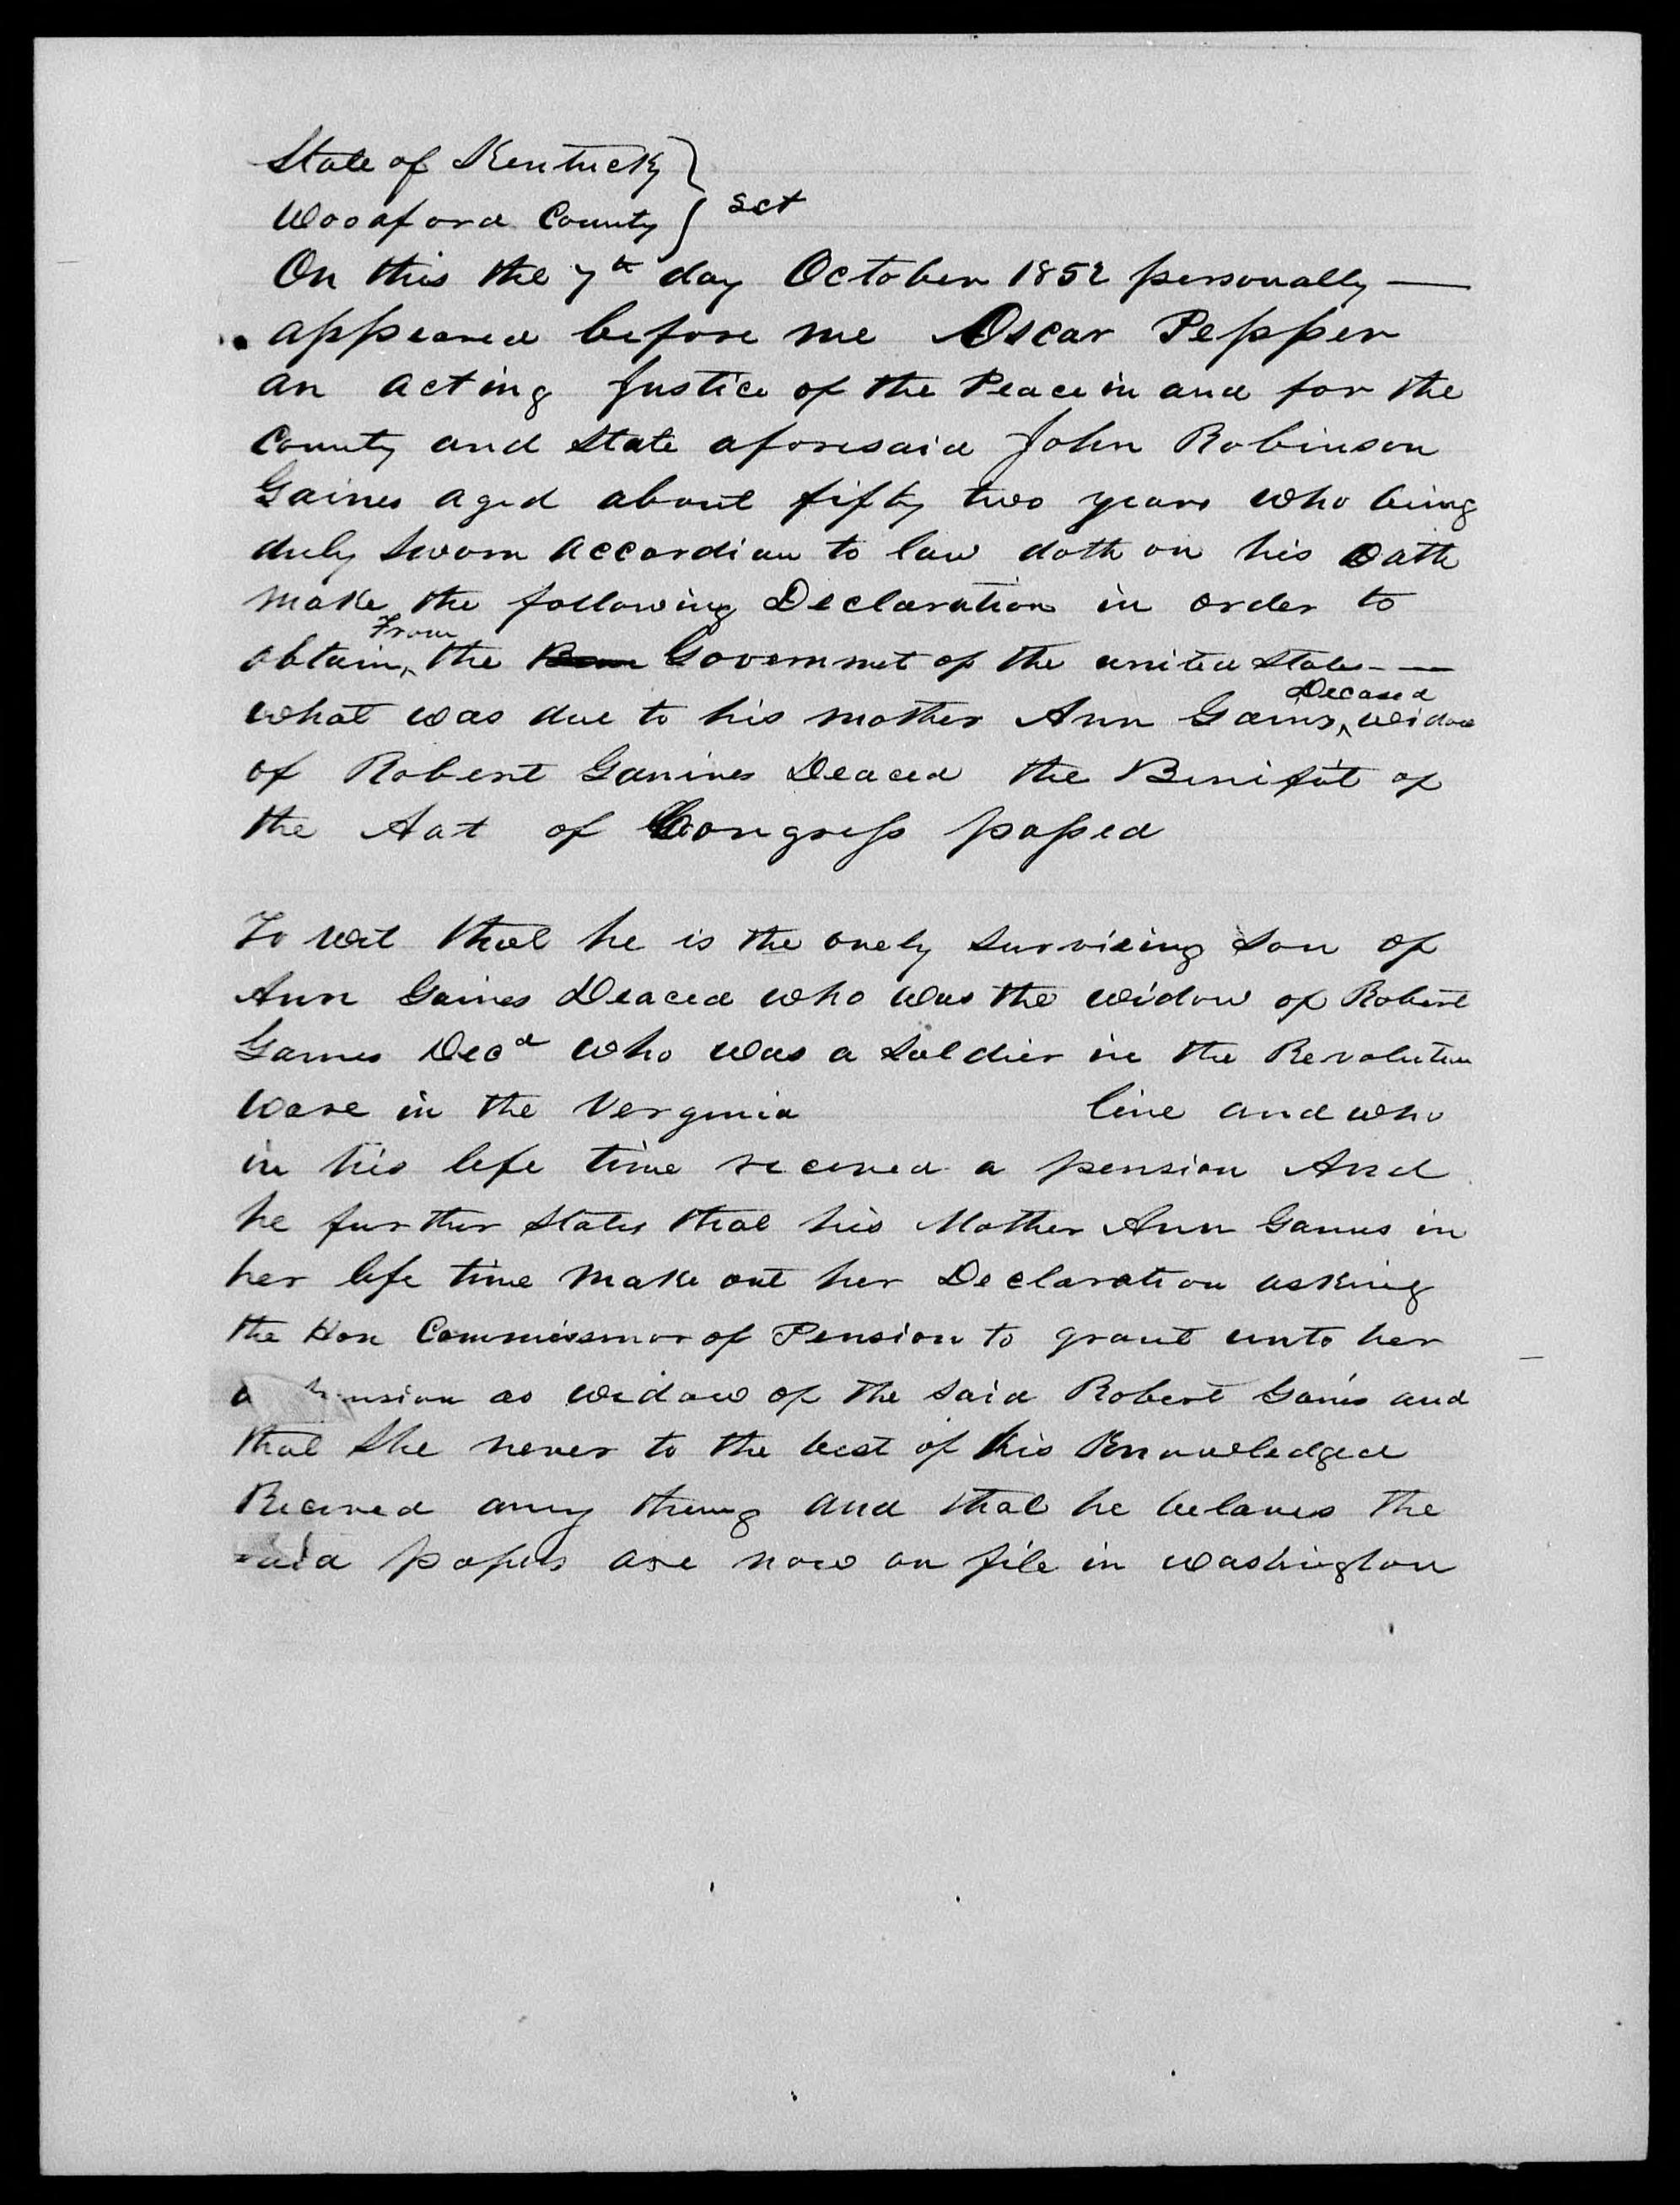State of Kentucky
Woodford County} sct
On this the 7th day of October 1852 personally appeared before me Oscar Pepper an acting Justice of the Peace in and for the County and State of aforesaid John Robinson Gaines aged about fifty two years who being duly Sworn according to law doth on his Oath make the following Declaration in order to obtain from the Government of the United States. What was due to his mother Ann Gaines, Deceased widow of Robert Gaines Deceased the Benefit of the Act of Congress passed.
To wit that he is the only surviving son of Ann Gaines Deceased who was the widow of Robert Gaines Dec'd who was a soldier in the Revolution Line in the Virginia line and who in his life time received a pension. and he further states that his Mother Ann Gaines in her life time make out her Declaration asking the Hon. Commissioner of Pensions to grant unto her a pension as widow of the said Robert Gaines and that she never to the best of his knowledge received any thing and that he believes the said papers are now on file in Washington
[End of page letter]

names: Ann Gaines, John Robinson Gaines, Robert Gaines, Ann Gains, Robert Gaines, Ann Gaines, Robert Gains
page: 11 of 79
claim: rejected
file: R. 3863, Robert Gaines, Va.